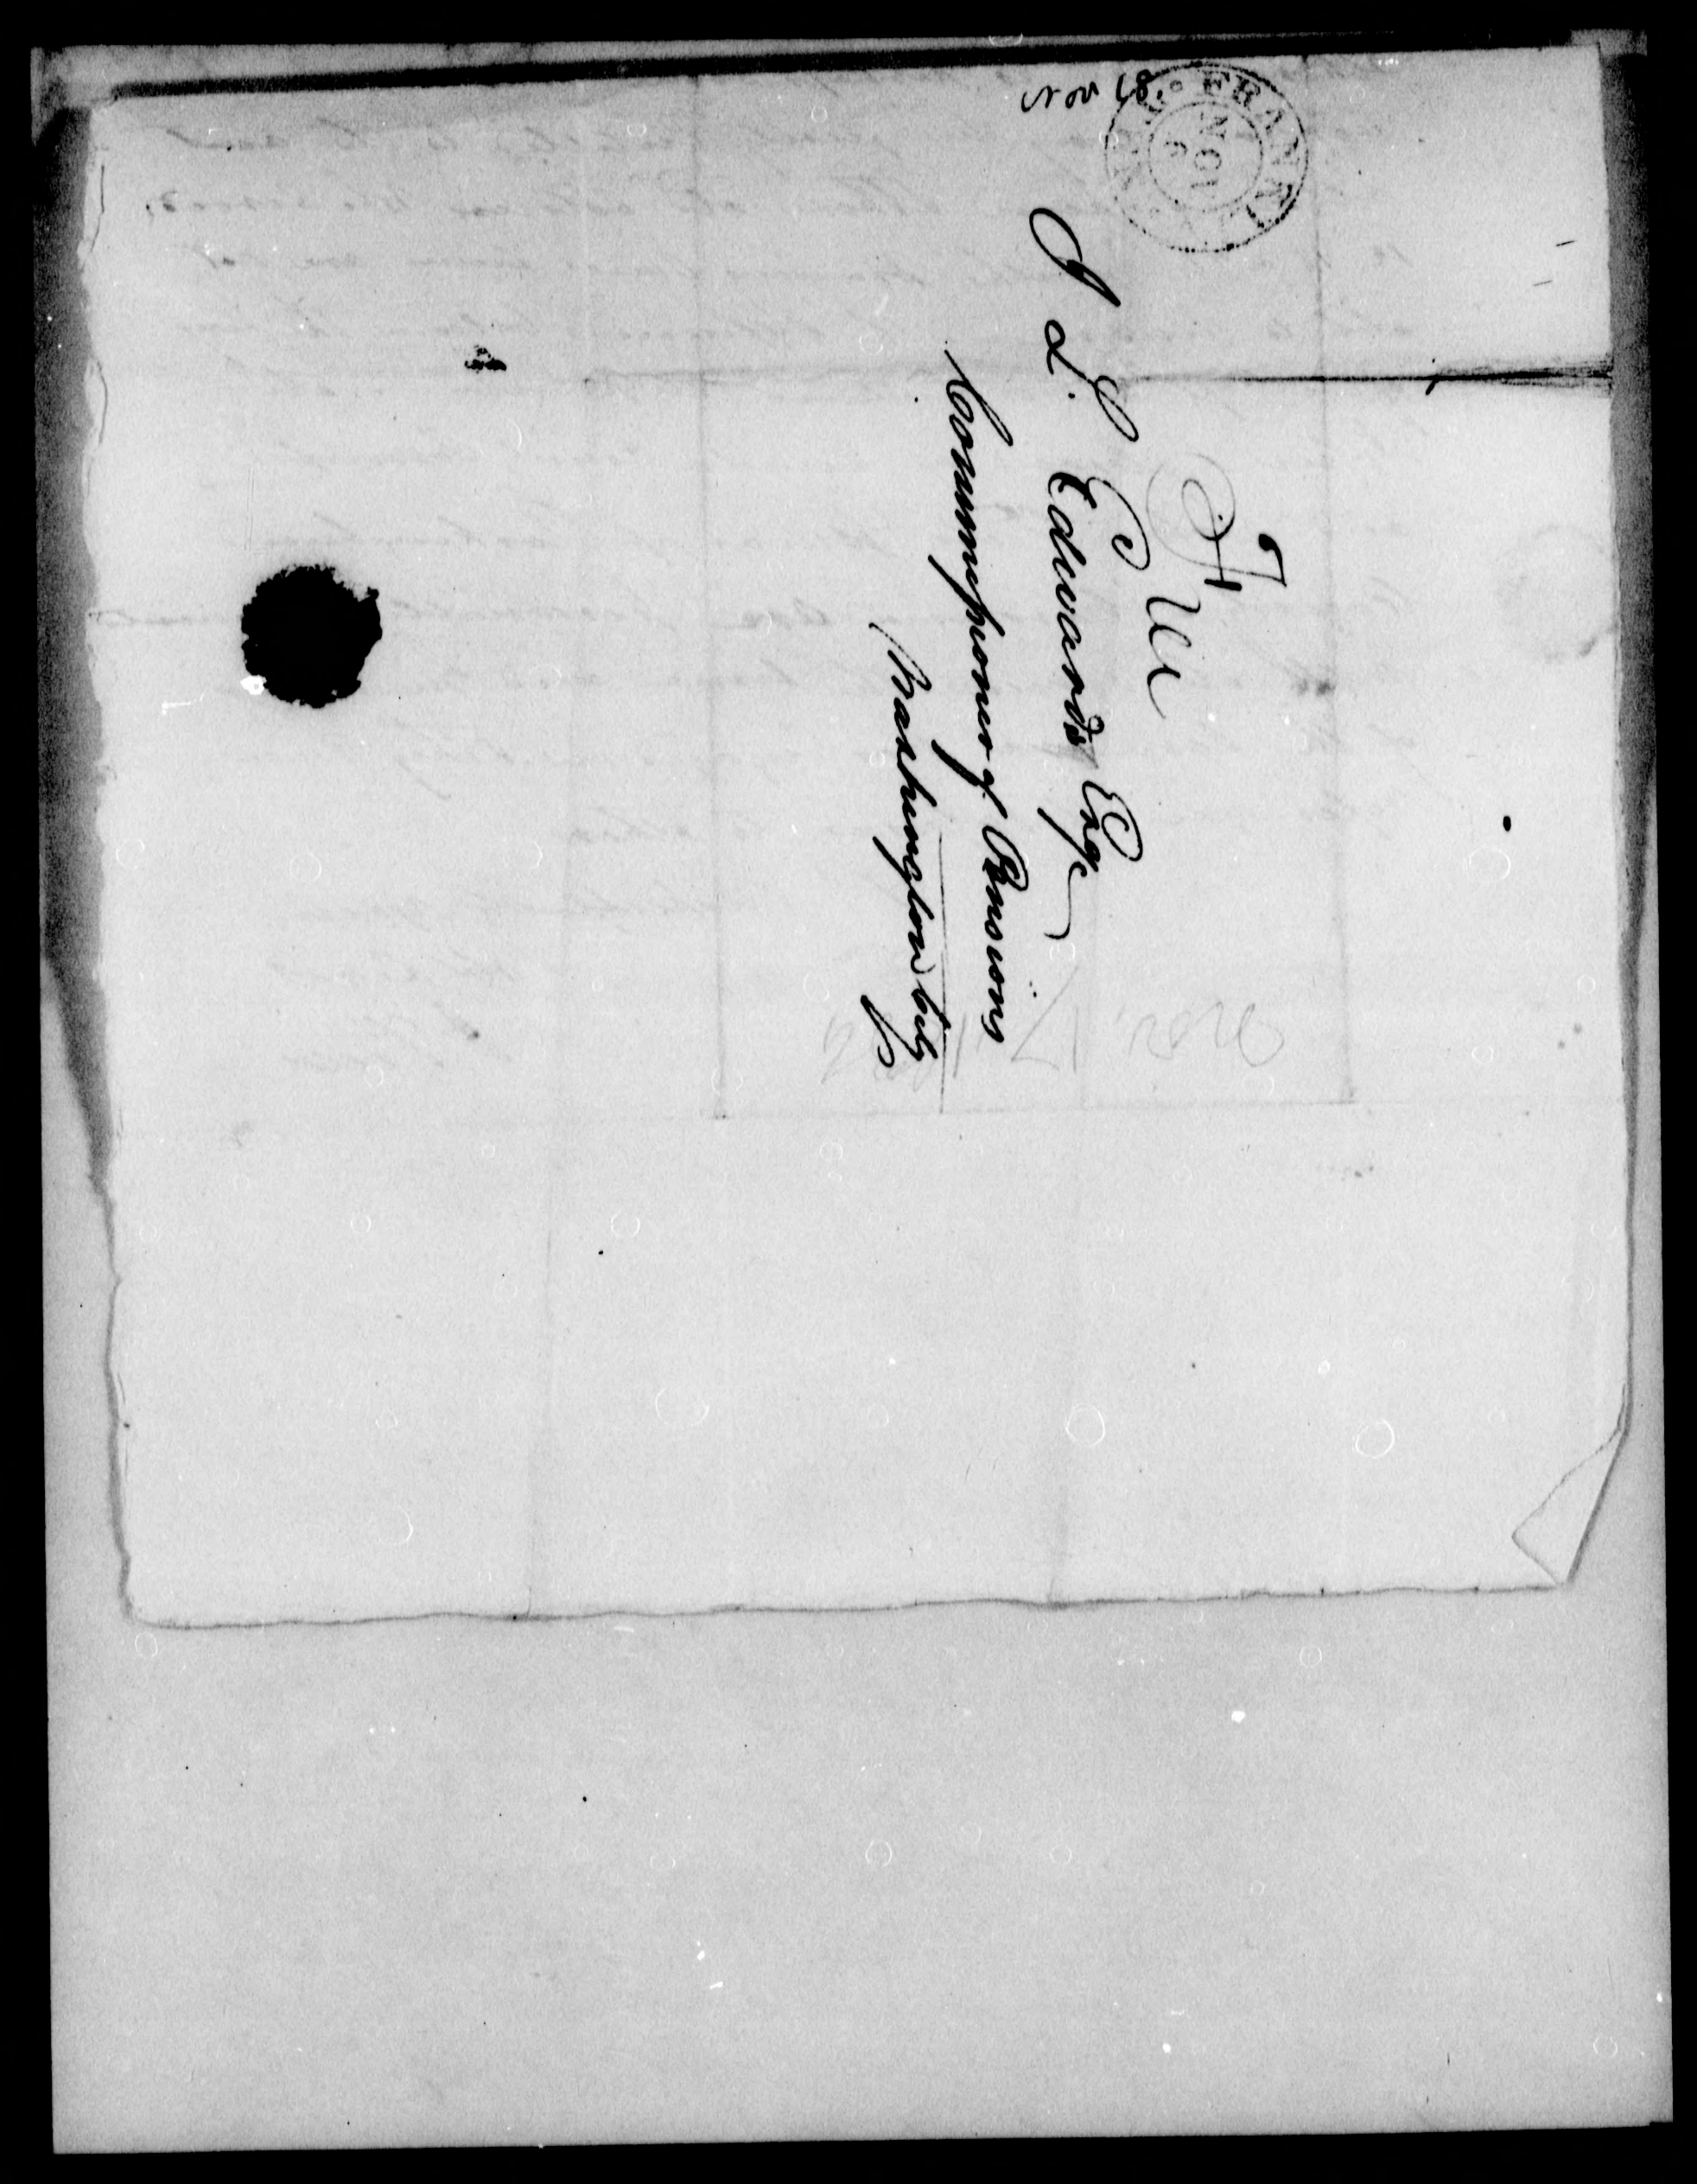[stamped]
FRANKL
NOV 6
Free

J. L. Edwards Esqr.
Commissioner of Pensions
Washinton City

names: J L Edwards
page: 102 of 105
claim: survivor's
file: S. 1883, Richard Vernon, N.C.